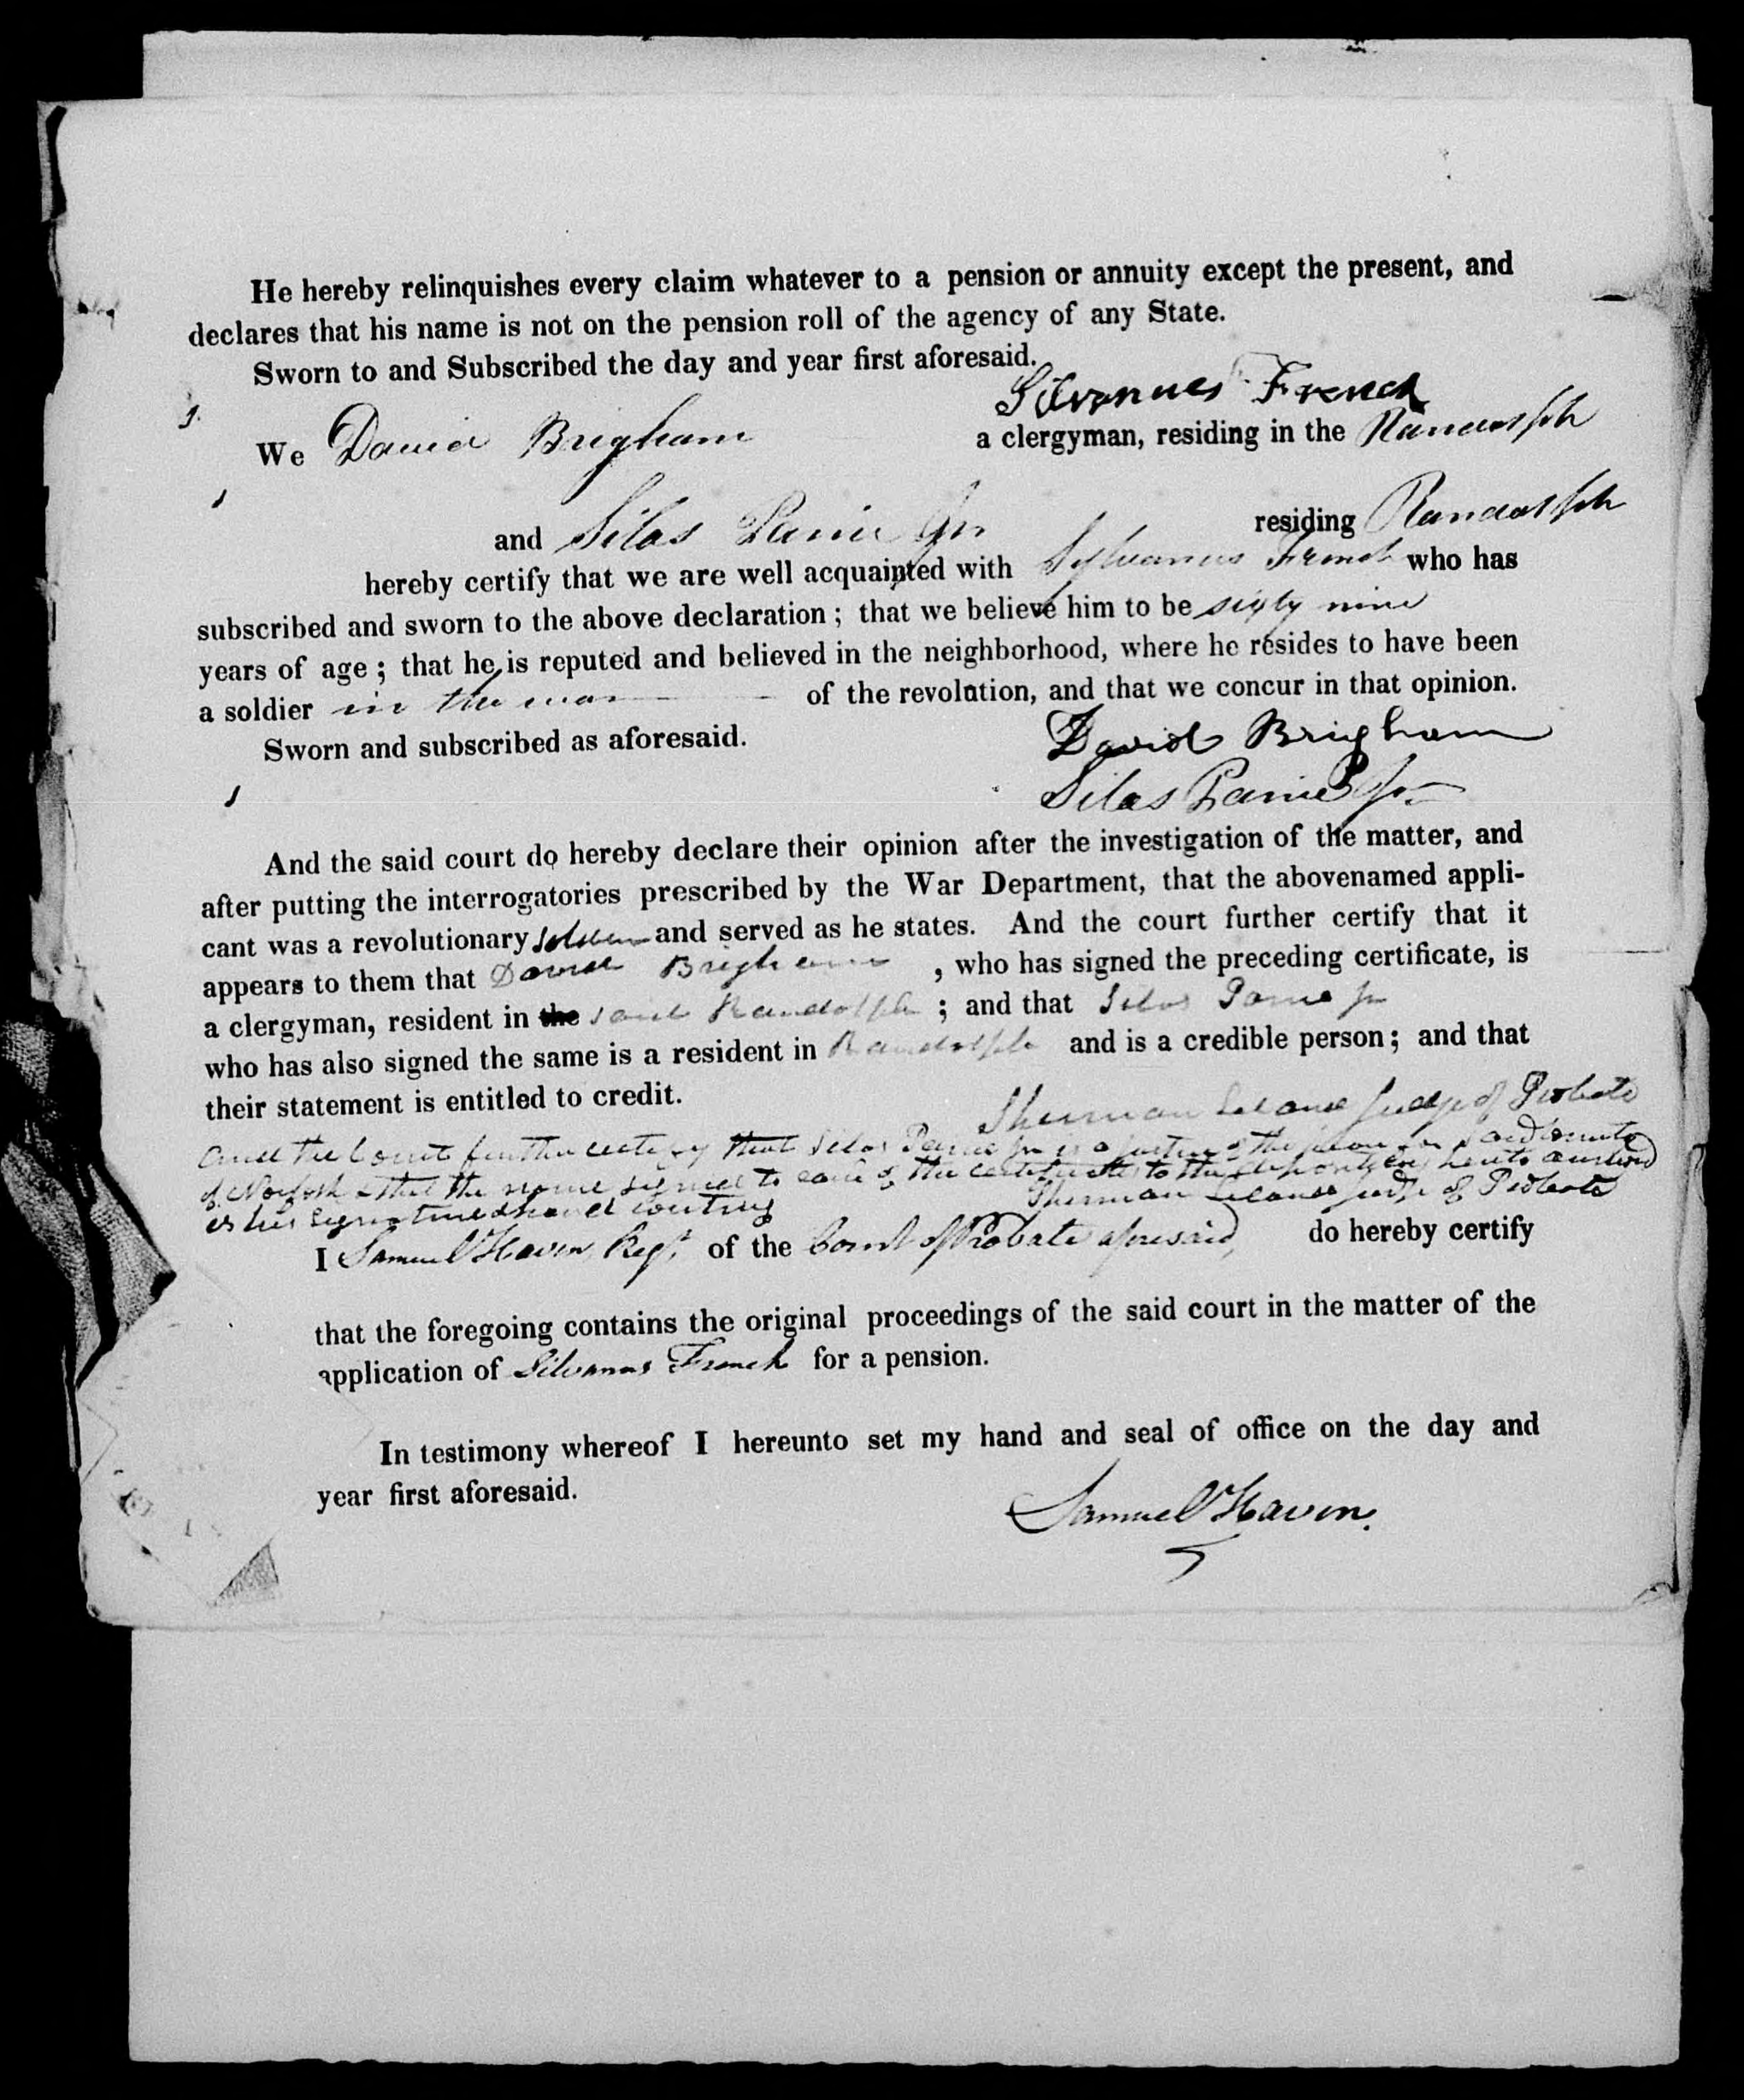He hereby relinquishes every claim whatever to a pension or annuity except the present, and
declares that his name is not on the pension roll of the agency of any State.
Sworn to and subscribed the day and year first
Silvanus French

We David Brigham a clergyman, residing in the Randolph 
and Silas Paine Jr. residing Randolph
hereby certify that we are well acquainted with Sylvanus French who has
subscribed and sworn to the above declaration; that we believe him to be sixty nine
years of age; that he is reputed and believed in the neighborhood, where he resides to have been
a soldier in the war ----
of the revolution, and that we concur in that opinion.
Sworn and subscribed as aforesaid.
David Brigham
Silas Paine Jr.

And the said court do hereby declare their opinion after the investigation of the matter, and
after putting the interrogatories prescribed by the War Department, that the abovenamed applicant
was a revolutionary soldier and served as he states. And the court further certify that it
appears to them that David Brigham,
who has signed the preceding certificate, is a
clergyman, resident in the[struck out] said Randolph; and that Silas Paine Jr.
who has also signed the same is a resident in Randolph and is a credible person; and that
their statement is entitled to credit.

Sherman Leland Judge of Probate
[illegible] the Court further certify that Silas Paine Jr Justice of the Peace for said county
of Norfolk & that the name signed to certify the certificate to this deponant hereto [illegible]
is his signature & hand writing

I Samuel Haven, Regt of the Court of Probate aforesaid,
do hereby certify
that the foregoing contains the original proceedings of the said court in the matter of the
application of Silvanus French for a pension.
In testimony whereof I hereunto set my hand and seal of office on the day and
year first aforesaid.
Samuel Haven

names: Samuel Haven, Silas Paine, David Brigham, Samuel Haven, Silvanus French, Silas Paine, Silvanus French, David Brigham, Silas Paine, David Brigham, Silas Paine, Sherman Leland, Sylvanus French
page: 12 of 38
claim: widow's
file: W. 24,235, Silvanus French, Mass.